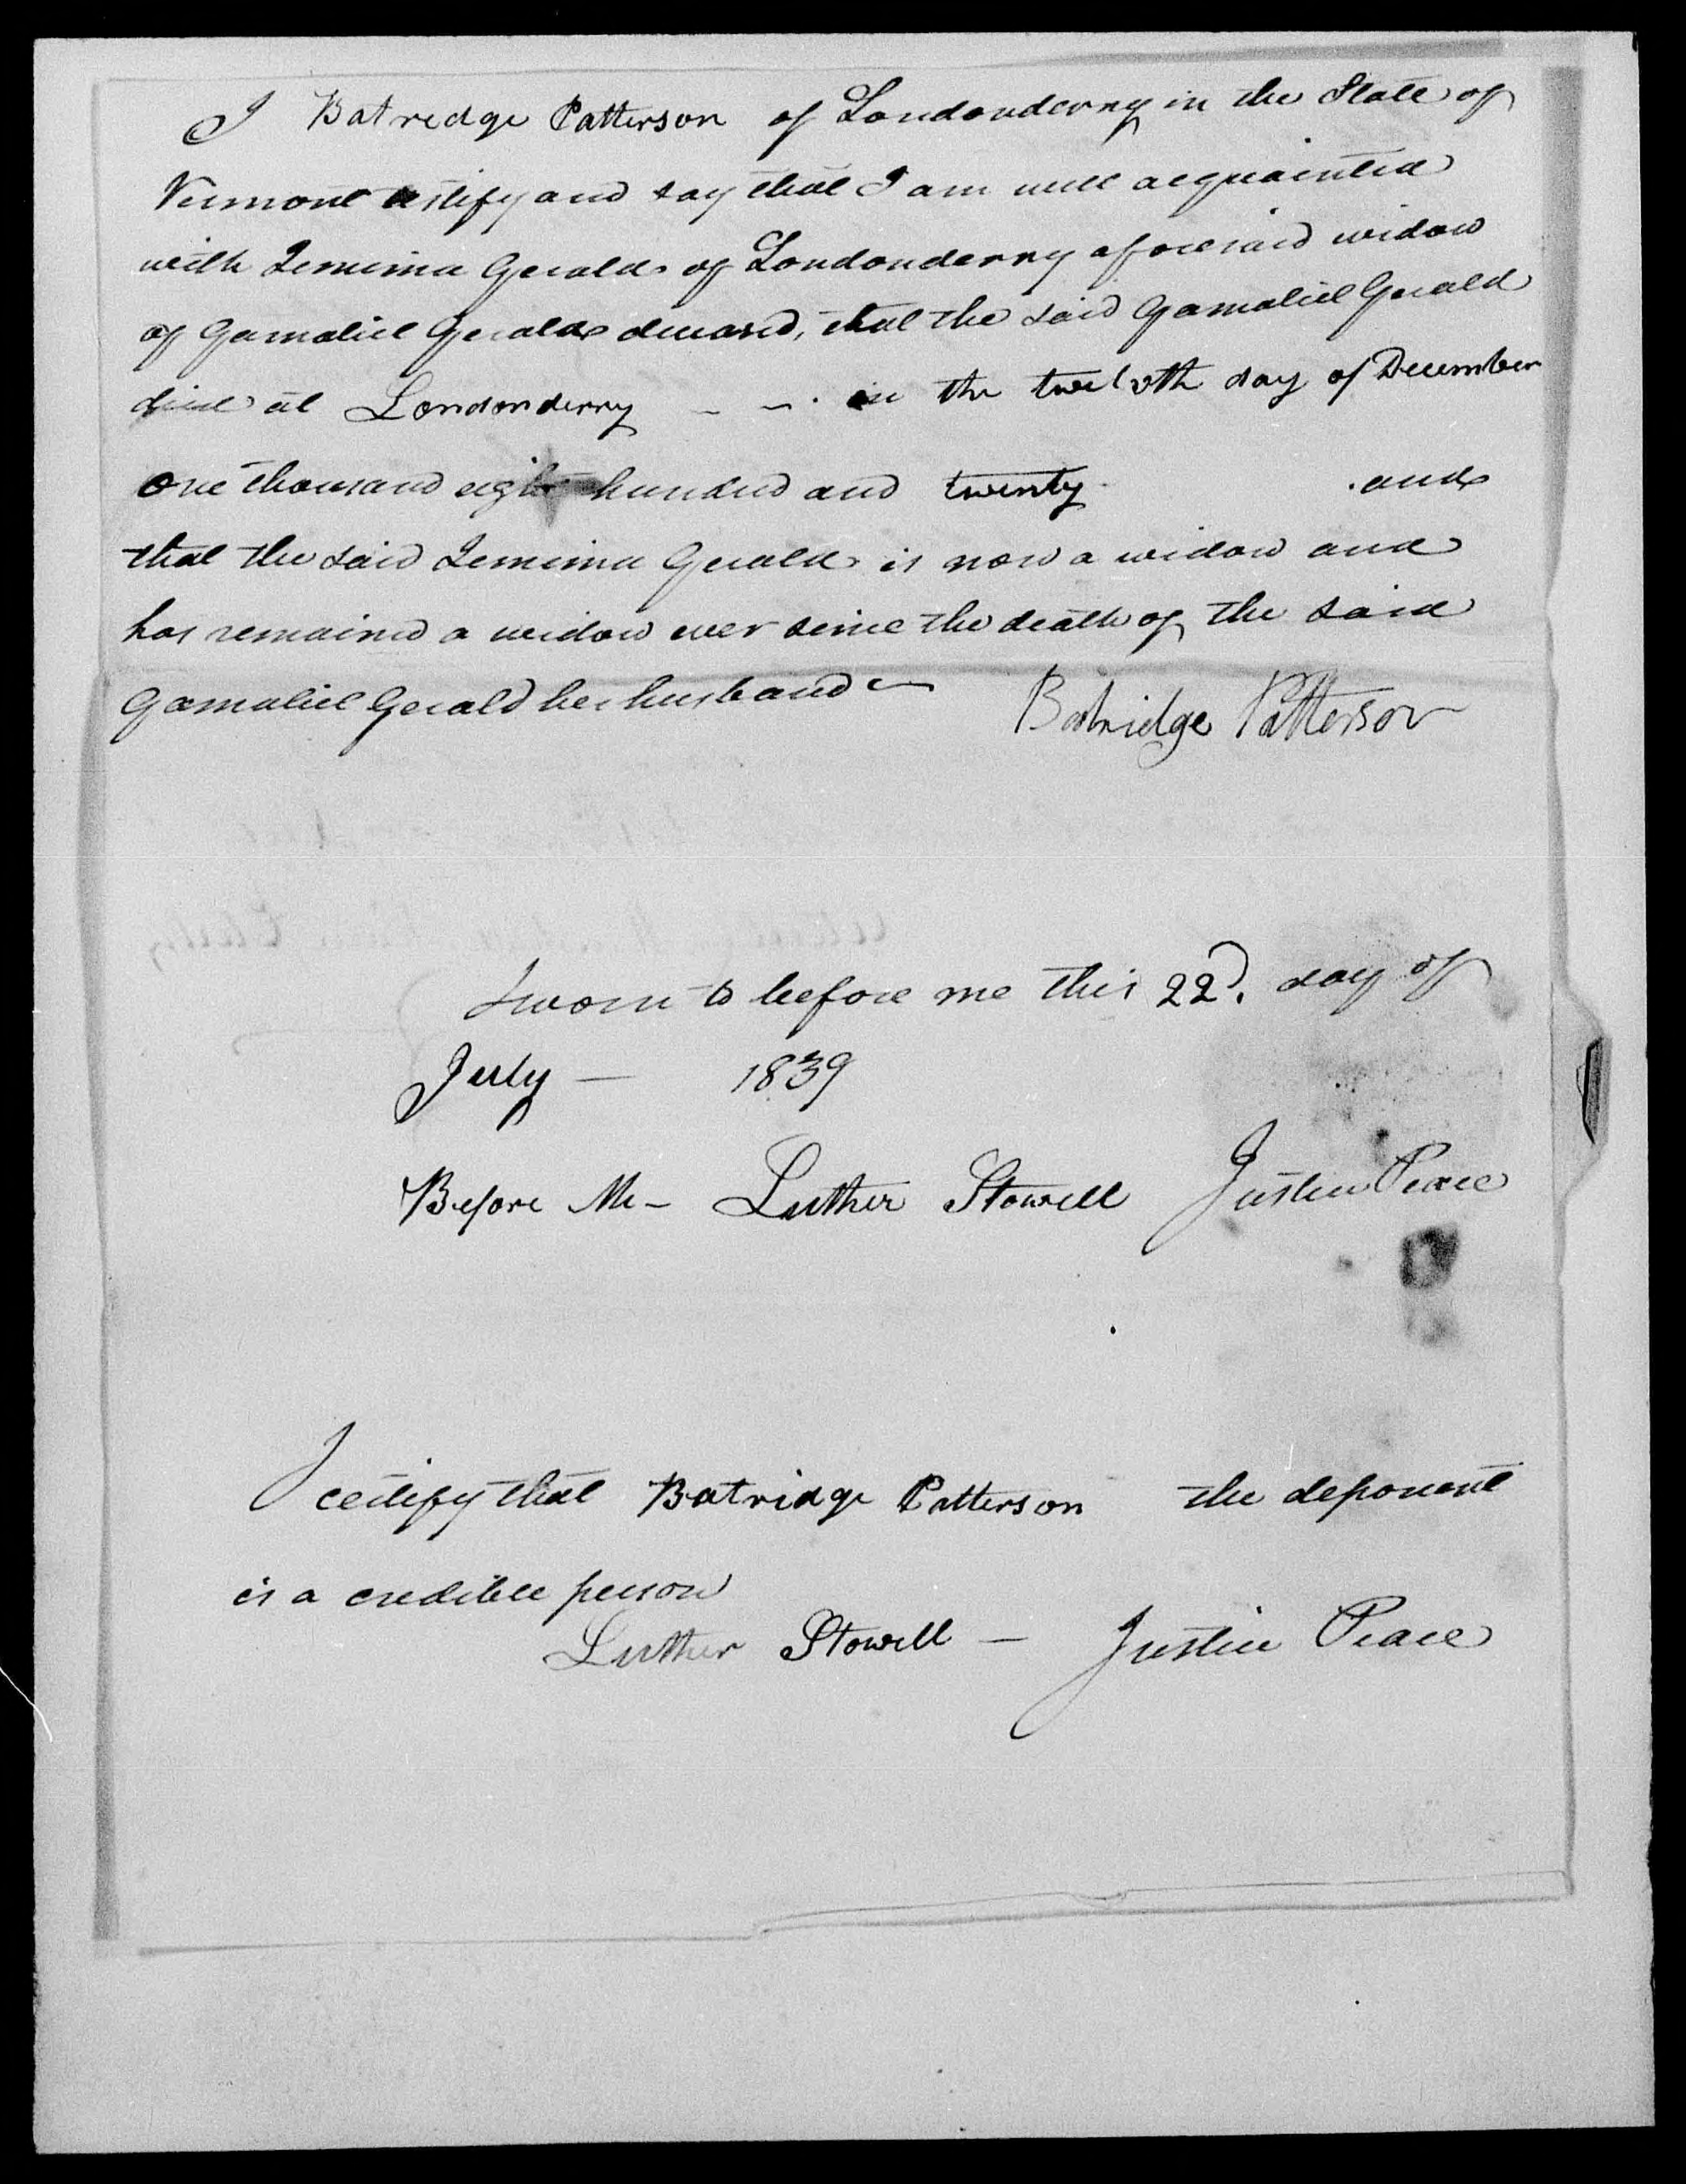I Bartidge Patterson of Londonderry in the State of Vermont certify and say that I am well acquainted with Jemima Gerald of Londonderry aforesaid widow of Gamaliel Gerald deceased, that the said Gamaliel Gerald died at Londonderry on the twelfth day of December one thousand eight hundred and twenty and that the said Jemima Gerald is now a widow and has remained a widow ever since the death of the said Gamaliel Gerald her husband. 
Bartridge Patterson 

Sworn to before me this 22nd day of July 1839
Before Me - Luther Stowell Justice Peace

I certify that Bartridge Patterson the deposee is a credible person
Luther Stowell Justice Peace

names: Batridge Patterson, Gamaliel Gerald, Luther Stowell, Gamaliel Gerald, Luther Stowell, Batridge Patterson, Jemima Gerald, Jemima Gerald, Gamaliel Gerald, Batridge Patterson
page: 26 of 26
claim: widow's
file: W. 25619, Gamaliel Gerald, Mass.